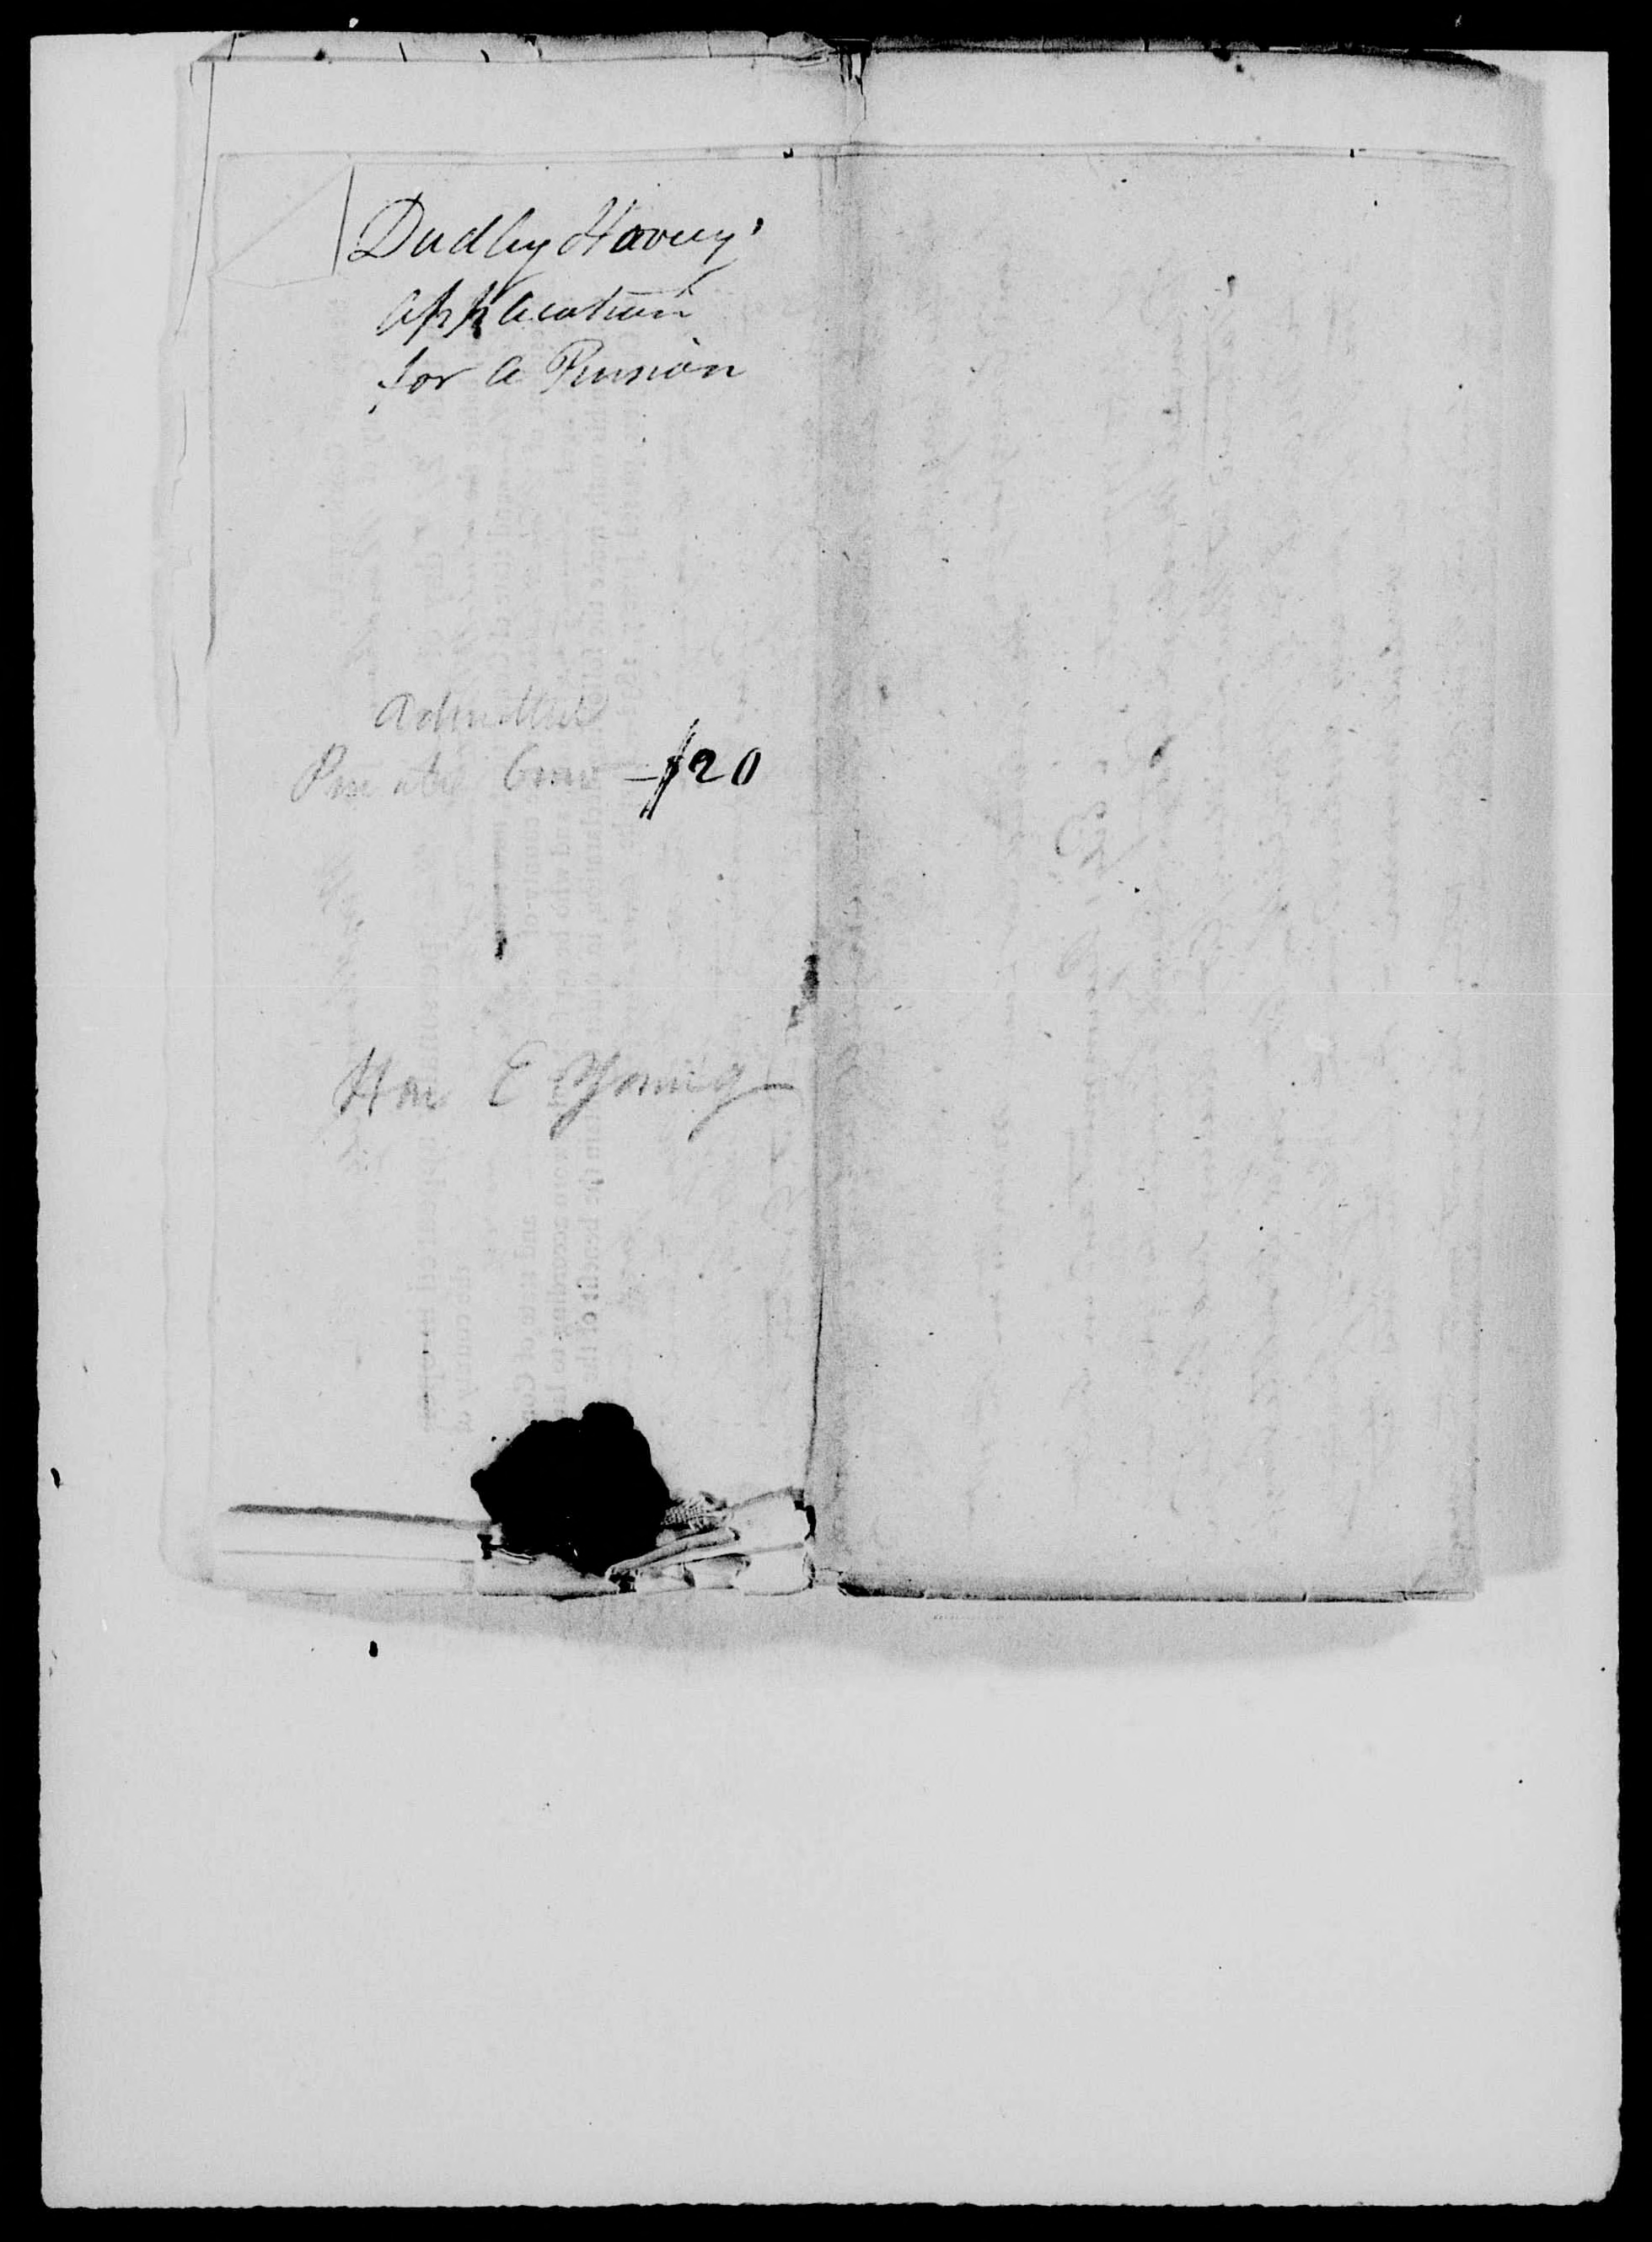Dudley Hovey
Application
for a Pension



Admitted
Private [illegible] $20

[illegible] E Young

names: E Young, Dudley Hovey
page: 3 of 13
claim: survivor's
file: S. 18451, Dudley Hovey, Conn.